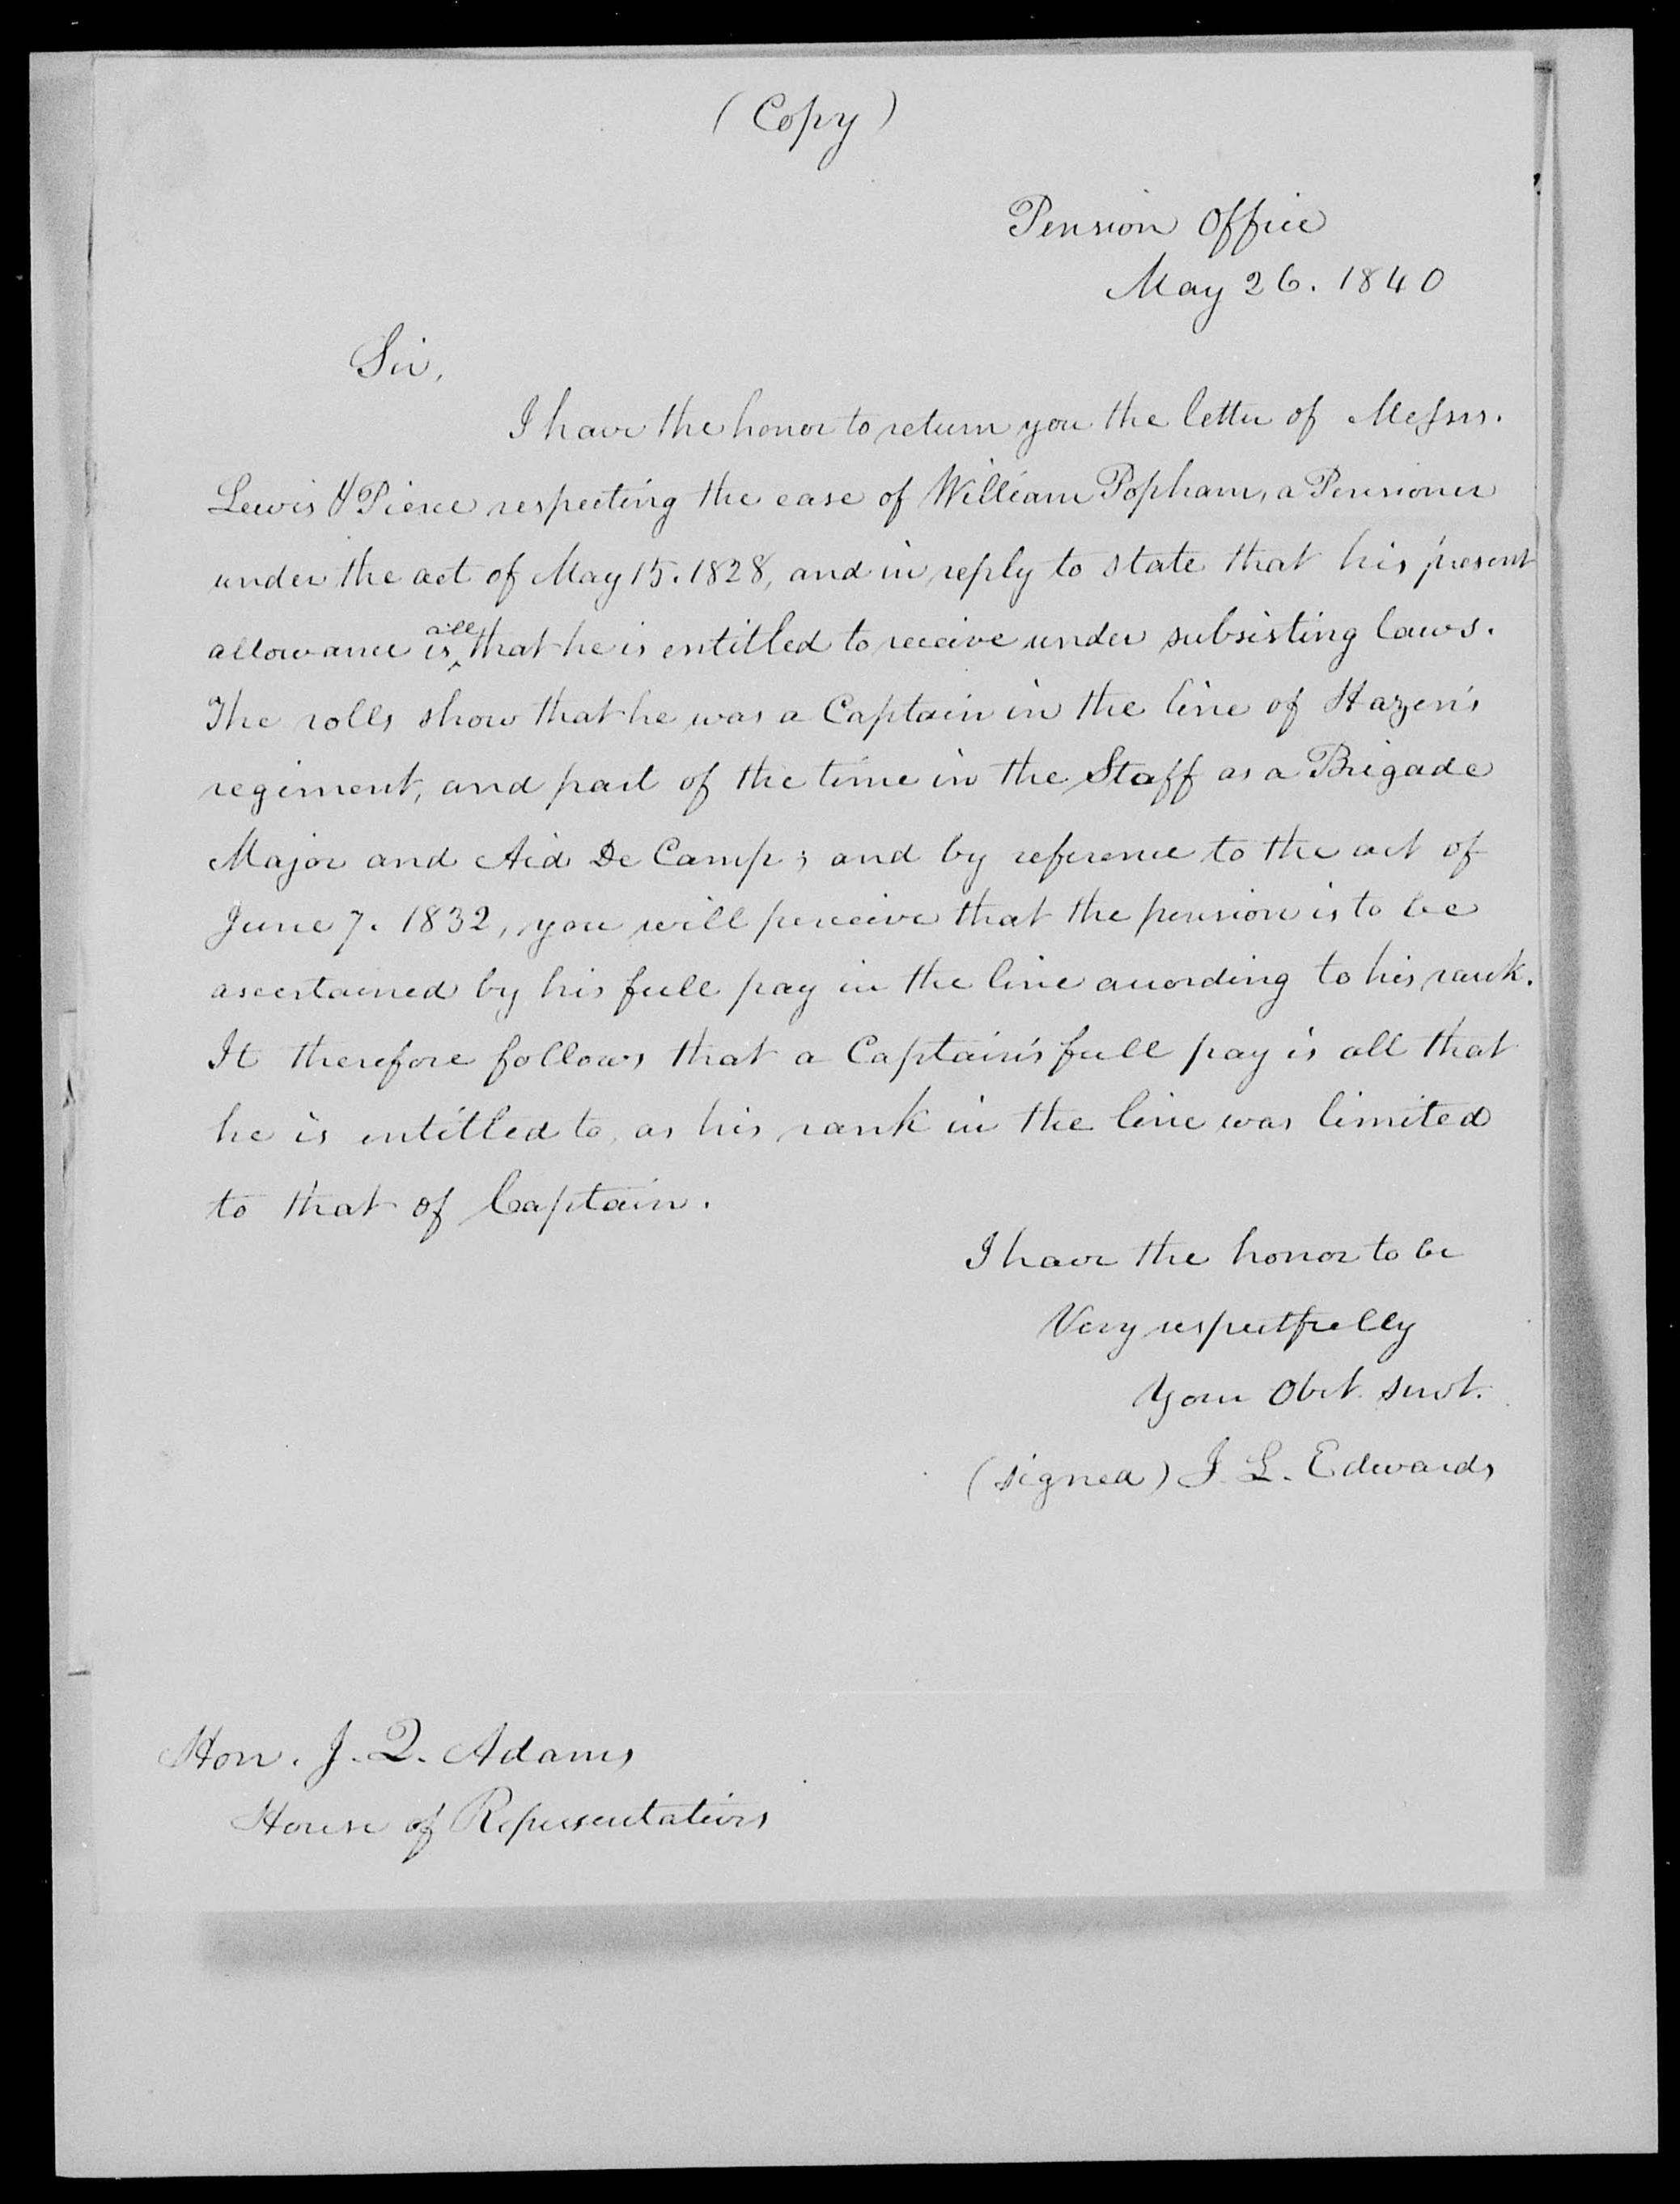(Copy)
Pension Office
May 26. 1840
Sir,
I have the honor to return you the letter of Messrs.
Lewis & Pierce respecting the case of William Popham, a Pensioner
under the act of May 15, 1828, and in reply to state that his present
allowance that he is ^all that he is entitled to receive under subsisting laws.
The rolls show that he was a Captain in the line of Hazen's
regiment, and part of the time in the Staff as a Brigade
Major and Aid de Camp, and by reference to the act of
June 7, 1832, you will perceive that the pension is to be
ascertained by his full pay in the line according to his rank.
It therefore follows that a Captain's full pay is all that
he is entitled to as his rank in the line was limited
to that of Captain

I have the honor to be
Very respectfully
Your Obt. Sevt.
(signed ) J. L. Edwards

.J. Q. Adams
House of Representations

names: J L Edwards; William Popham; J Q Adams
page: 52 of 75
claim: survivor's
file: S. 9989, for William Popham, Delaware